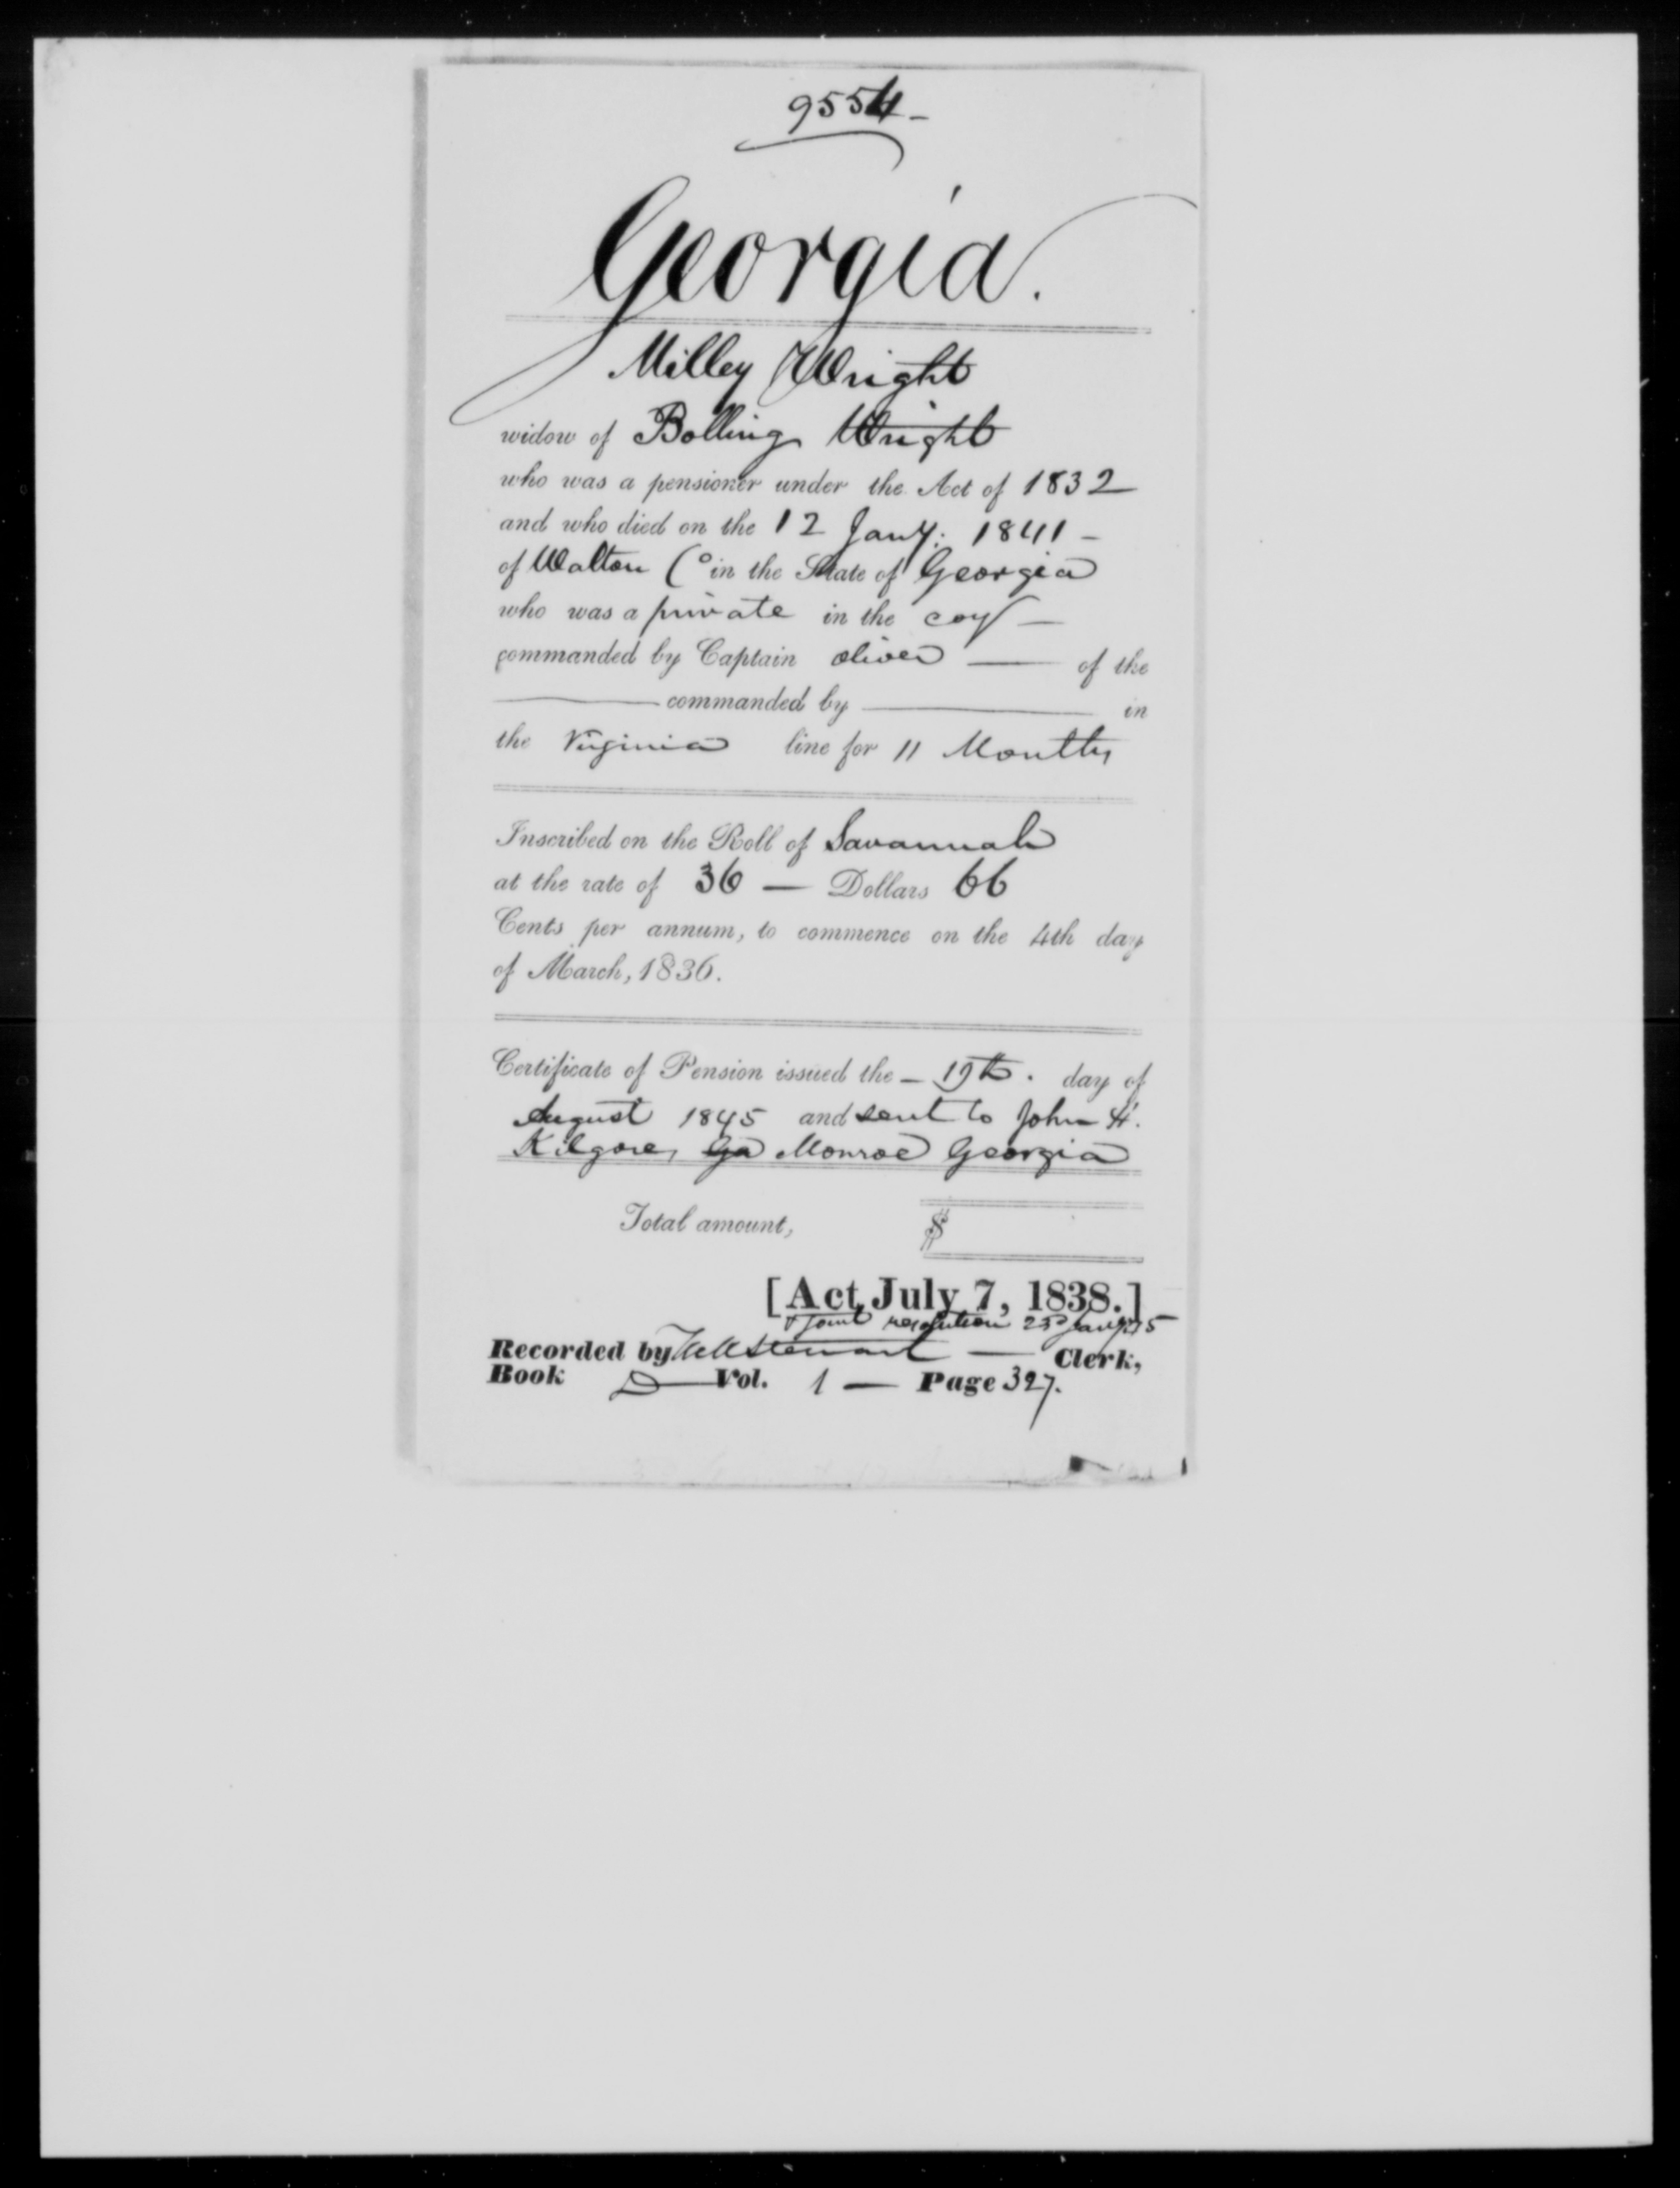9554
Georgia
Milley Wright
widow of Bolling Wright
who was a pensioner under the Act of 1832 and who died on 12 Jany: 1841 - of Walton (in the State of Georgia) who was a private in the coy - commanded by Captain Oliver - of the - commanded by - in the Virginia line for 11 Months

Inscribed on the Roll of Savannah at the rate of 36 - Dollars 66 Cents per annum, to commence on the 4th day of March, 1836. 

Certificate of Pension issued the 19th. day of August 1845 and sent to John H. Kilgore, Ga Monroe Georgia
Total amount, $

[Act July 7, 1838.]
[illegible]
Recorded by Websterant
Book D Vol. 1 - Page 327.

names: John H Kilgore, Milley Wright, Bolling Wright, Oliver, W M Stewart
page: 80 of 81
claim: widow's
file: W. 5183, Bolling Wright, Va.